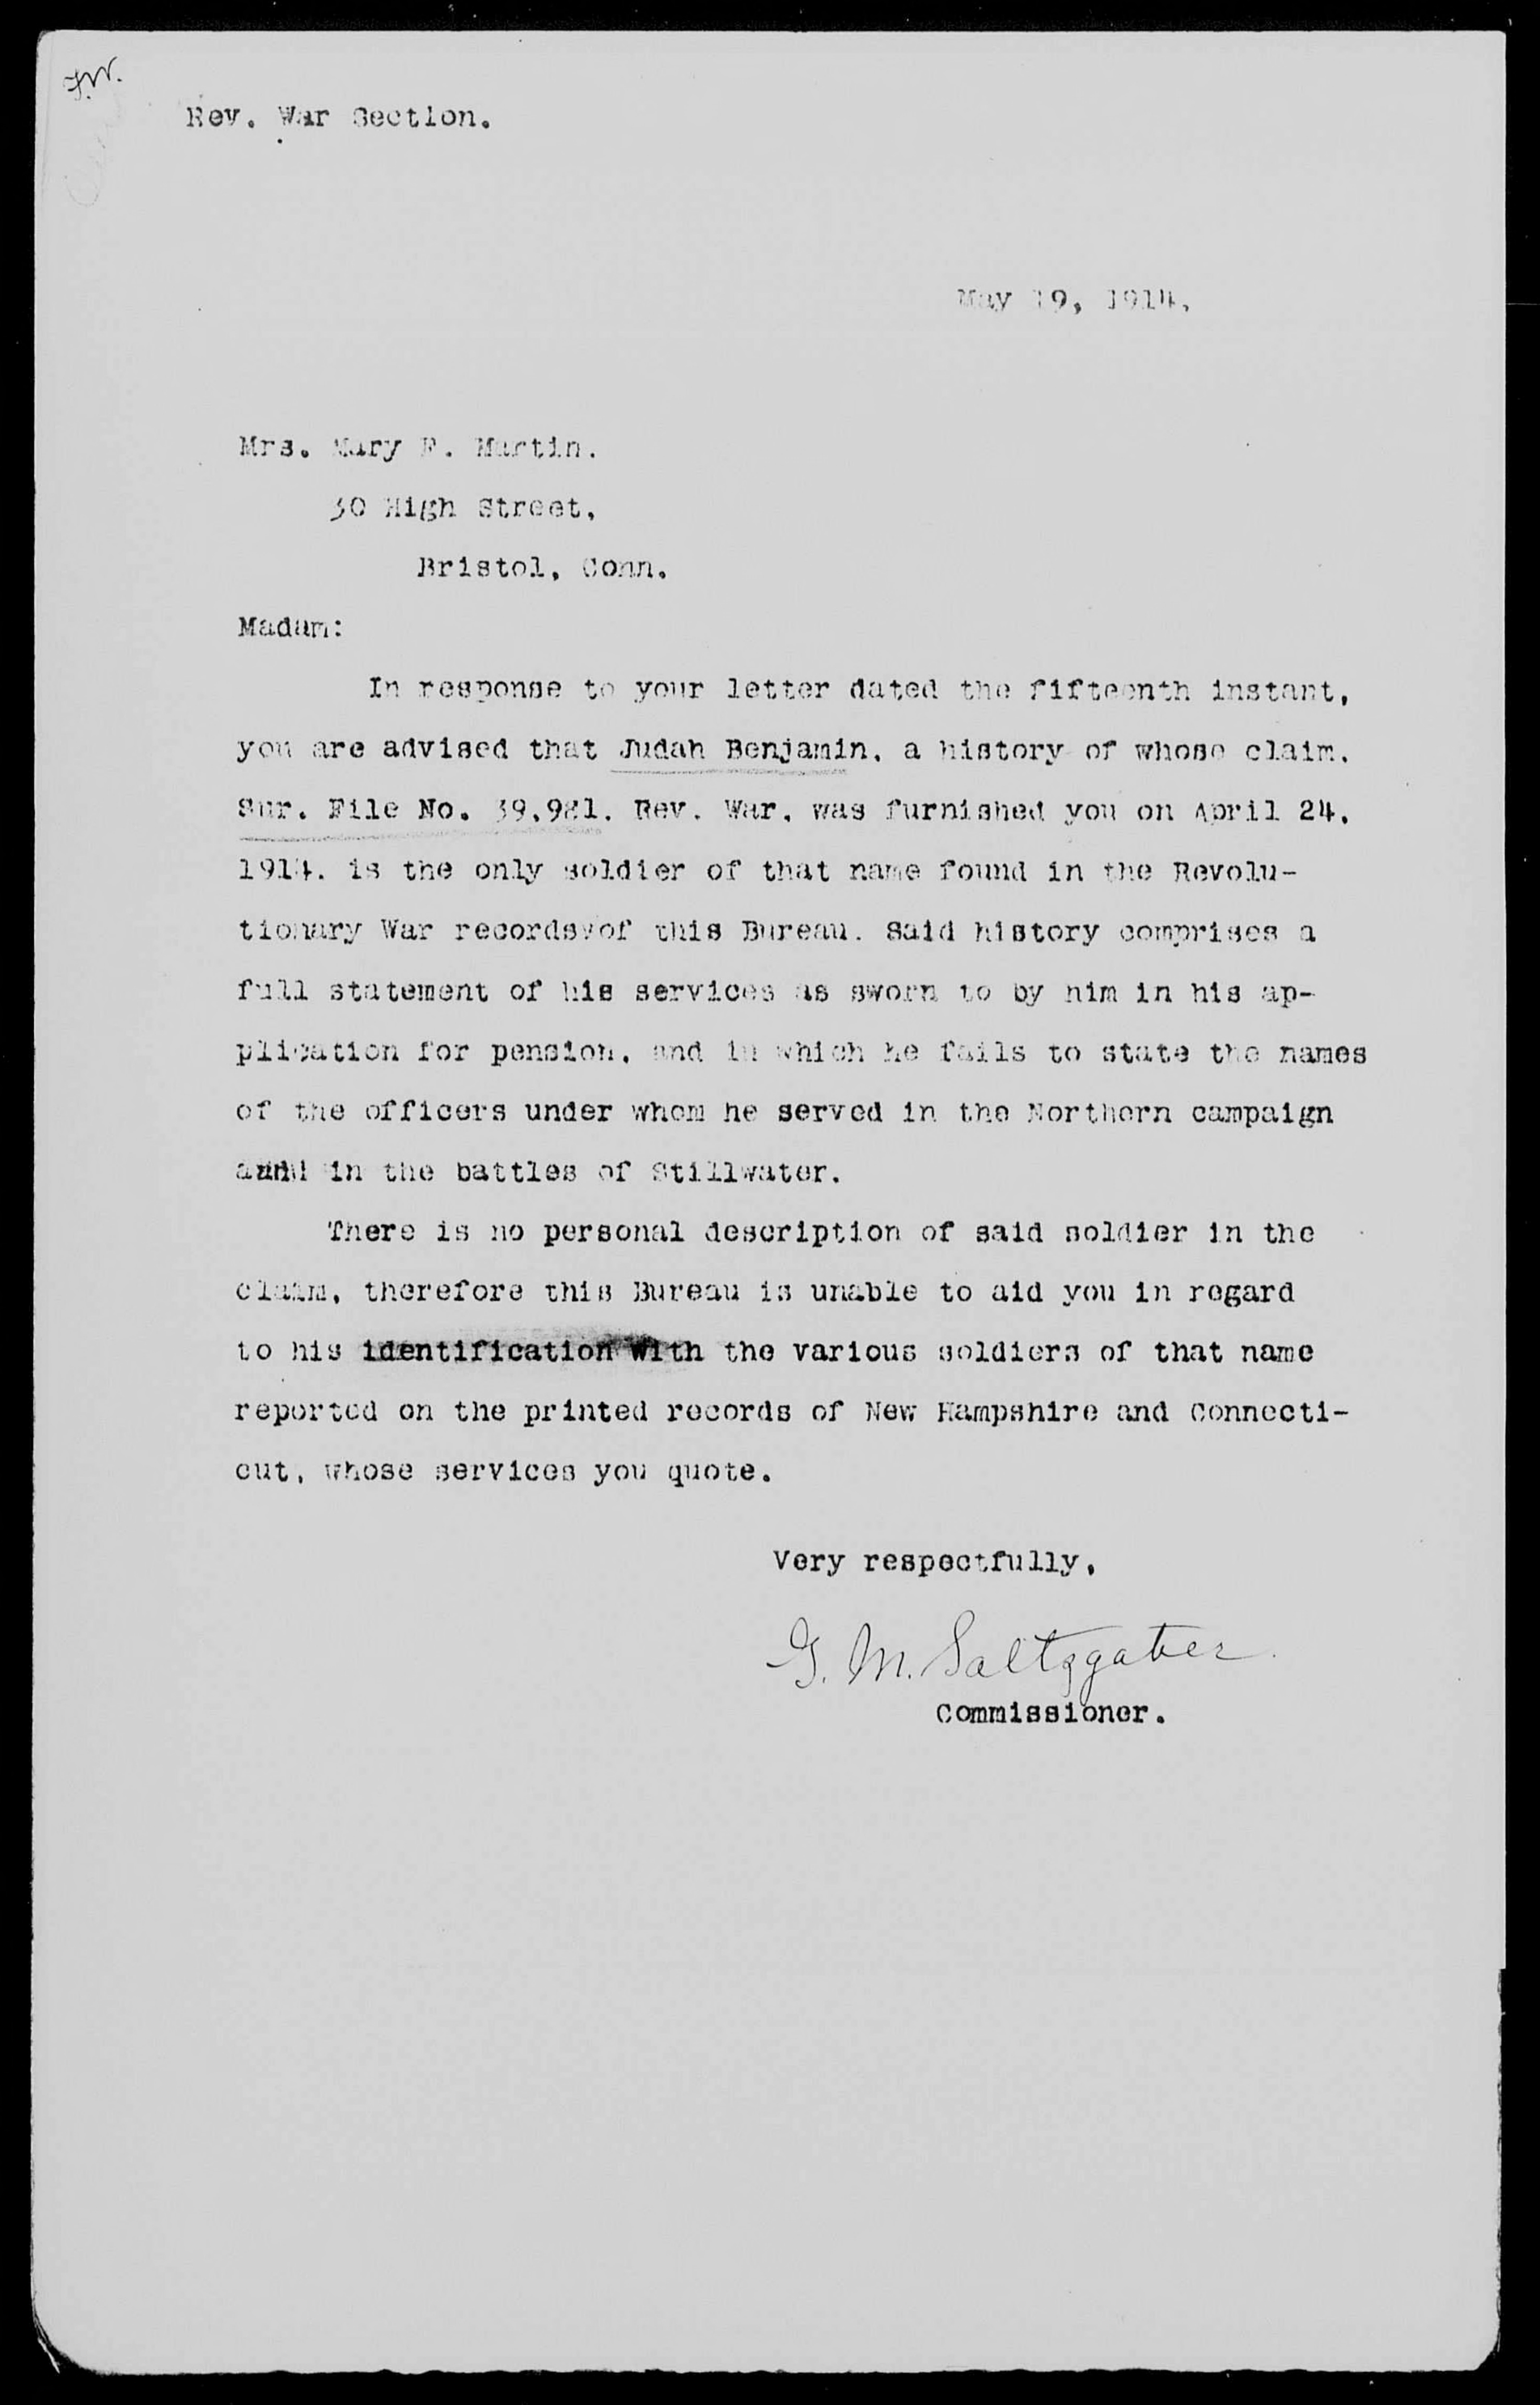Rev. War Section.
May 19, 1914,Mrs. Mary F. Martin.
30 High Street,
Bristol, Conn.
Madam:
In response to your letter dated the fifteenth instant, you are advised that Judah Benjamin, a history of whose claim, Sur. File No. 39,981. Rev. War, was furnished you on April 24, 1914, is the only soldier of that name found in the Revolutionary War records of this Bureau, Said history comprises a full statement of his services as sworn to by him in his application for pension, and in which he fails to state the names of the officers under whom he served in the Northern campaign and in the battles of Stillwater.
There is no personal description of said soldier in the claim, therefore this Bureau is unable to aid you in regard to his identification with the various soldiers of that name reported on the printed records of New Hampshire and Connecticut, whose services you quote.
Very respectfully,
[signed] G. M. Saltzgaber
Commissioner.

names: Judah Benjamin, Mary F Martin, G M Saltzgaber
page: 34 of 34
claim: survivor's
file: S. 39981, Judah Benjamin, Continental (N. H. And N. Y.)